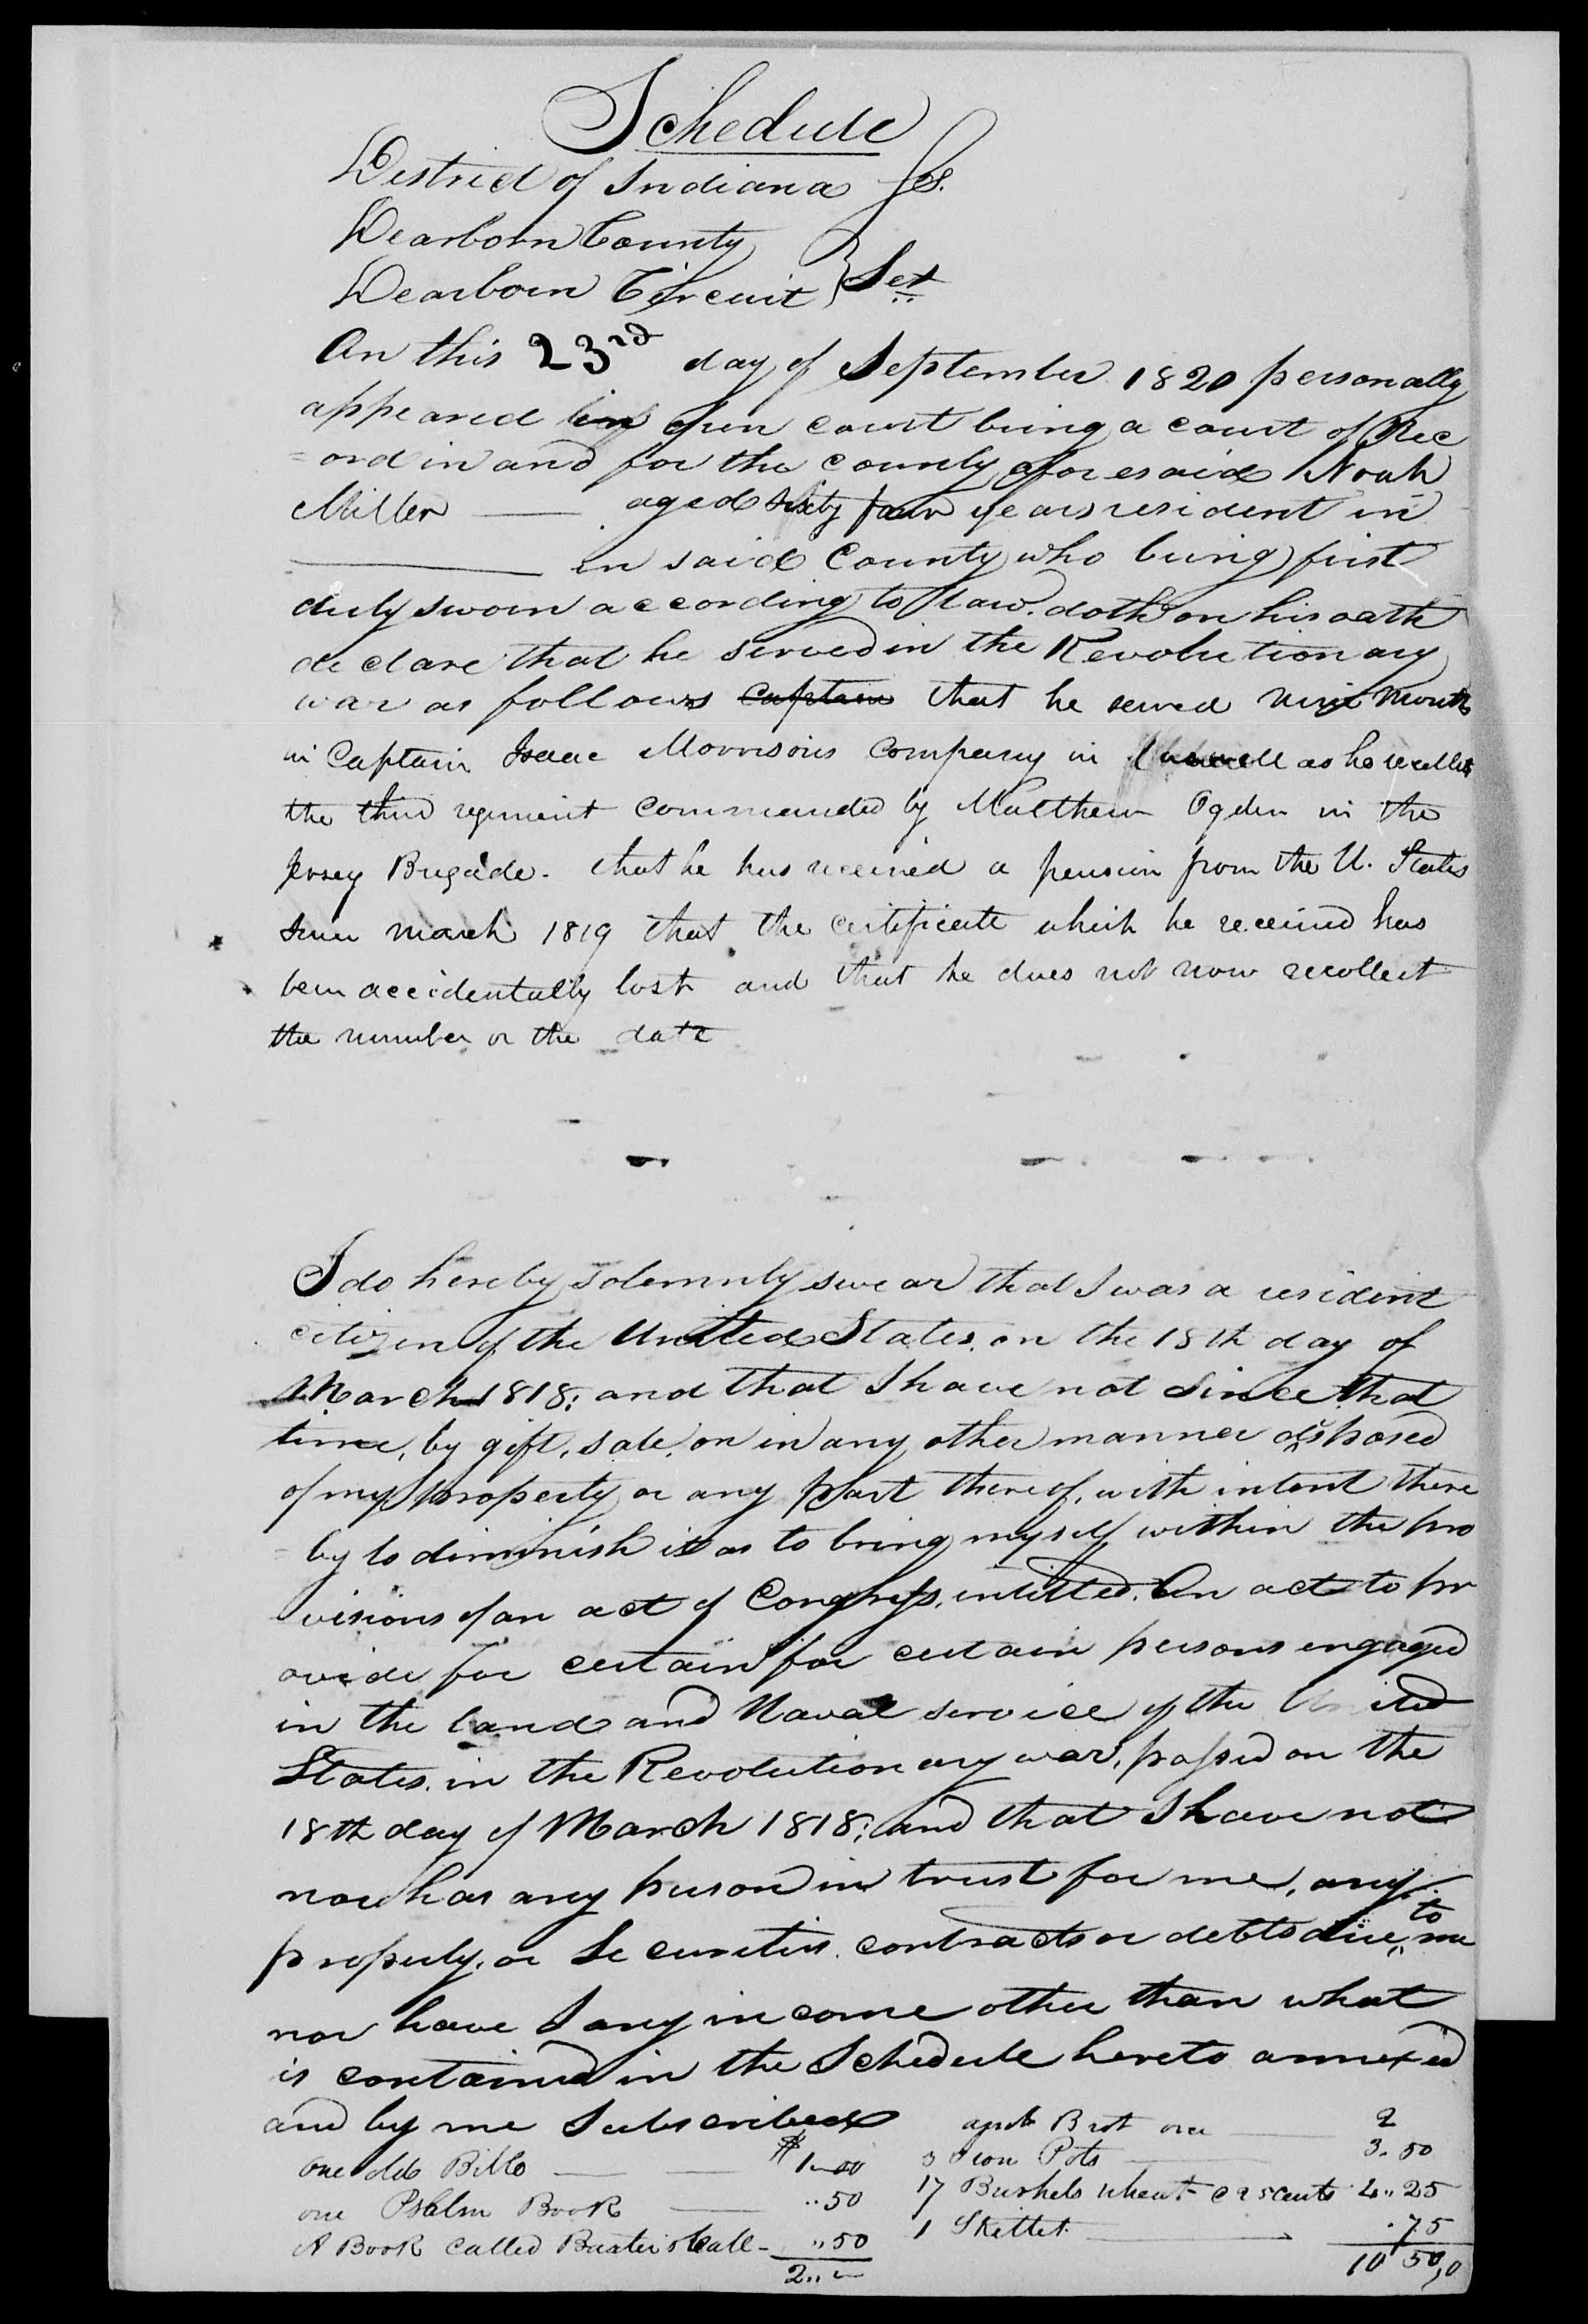Schedule
District of Indiana ss
Dearborn County
Dearborn Circuit Set

On this 23rd day of September 1820 personally appeared in open court being a court of record and for the county aforesaid Noah Miller - aged sixty four years resident in said county who being first duly sworn according to law doth on his oath declare that he served in the Revolutionary war as follows that he served nine months in Captain Jerome Morrison's company in as well as he recalls the third regiment commanded by Matthew Ogden in thee Jersey Brigade.  that he has received a pension from the U. States since March 1819 that the certificate which he received has been accidentally lost and that he does not now recollect the number or the date

I do hereby Solemnly swear that I was a resident of the United States on the 18th day of March 1818; and that I have not since that time, by gift, sale or in any other manner or have share of my property or any part thereof with intent thereby to diminish it or to bring myself within the provisions of an act of Congress entitled An act to provide for certain for certain persons engaged in the land and naval service of the United States in the Revolutionary war,  passed on the 18th day of March 1919; and that I have not now has any person in trust for me, any property or selective contract or debts due to me nor have I any income other than what is contained in the schedule hereto annexed
One old Bible $1.00, One psalm Book  .50
A book Called Buster O leall .50  {total $2.00}
Agate broth over  2, 3 iron pots  3.50
17 Bushels wheat @ 5 cents  4.25
1 kettle  .75  Total 10.50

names: Matthew Ogden; Noah Miller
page: 8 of 20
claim: survivor's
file: S. 36129, for Noah Miller, New Jersey